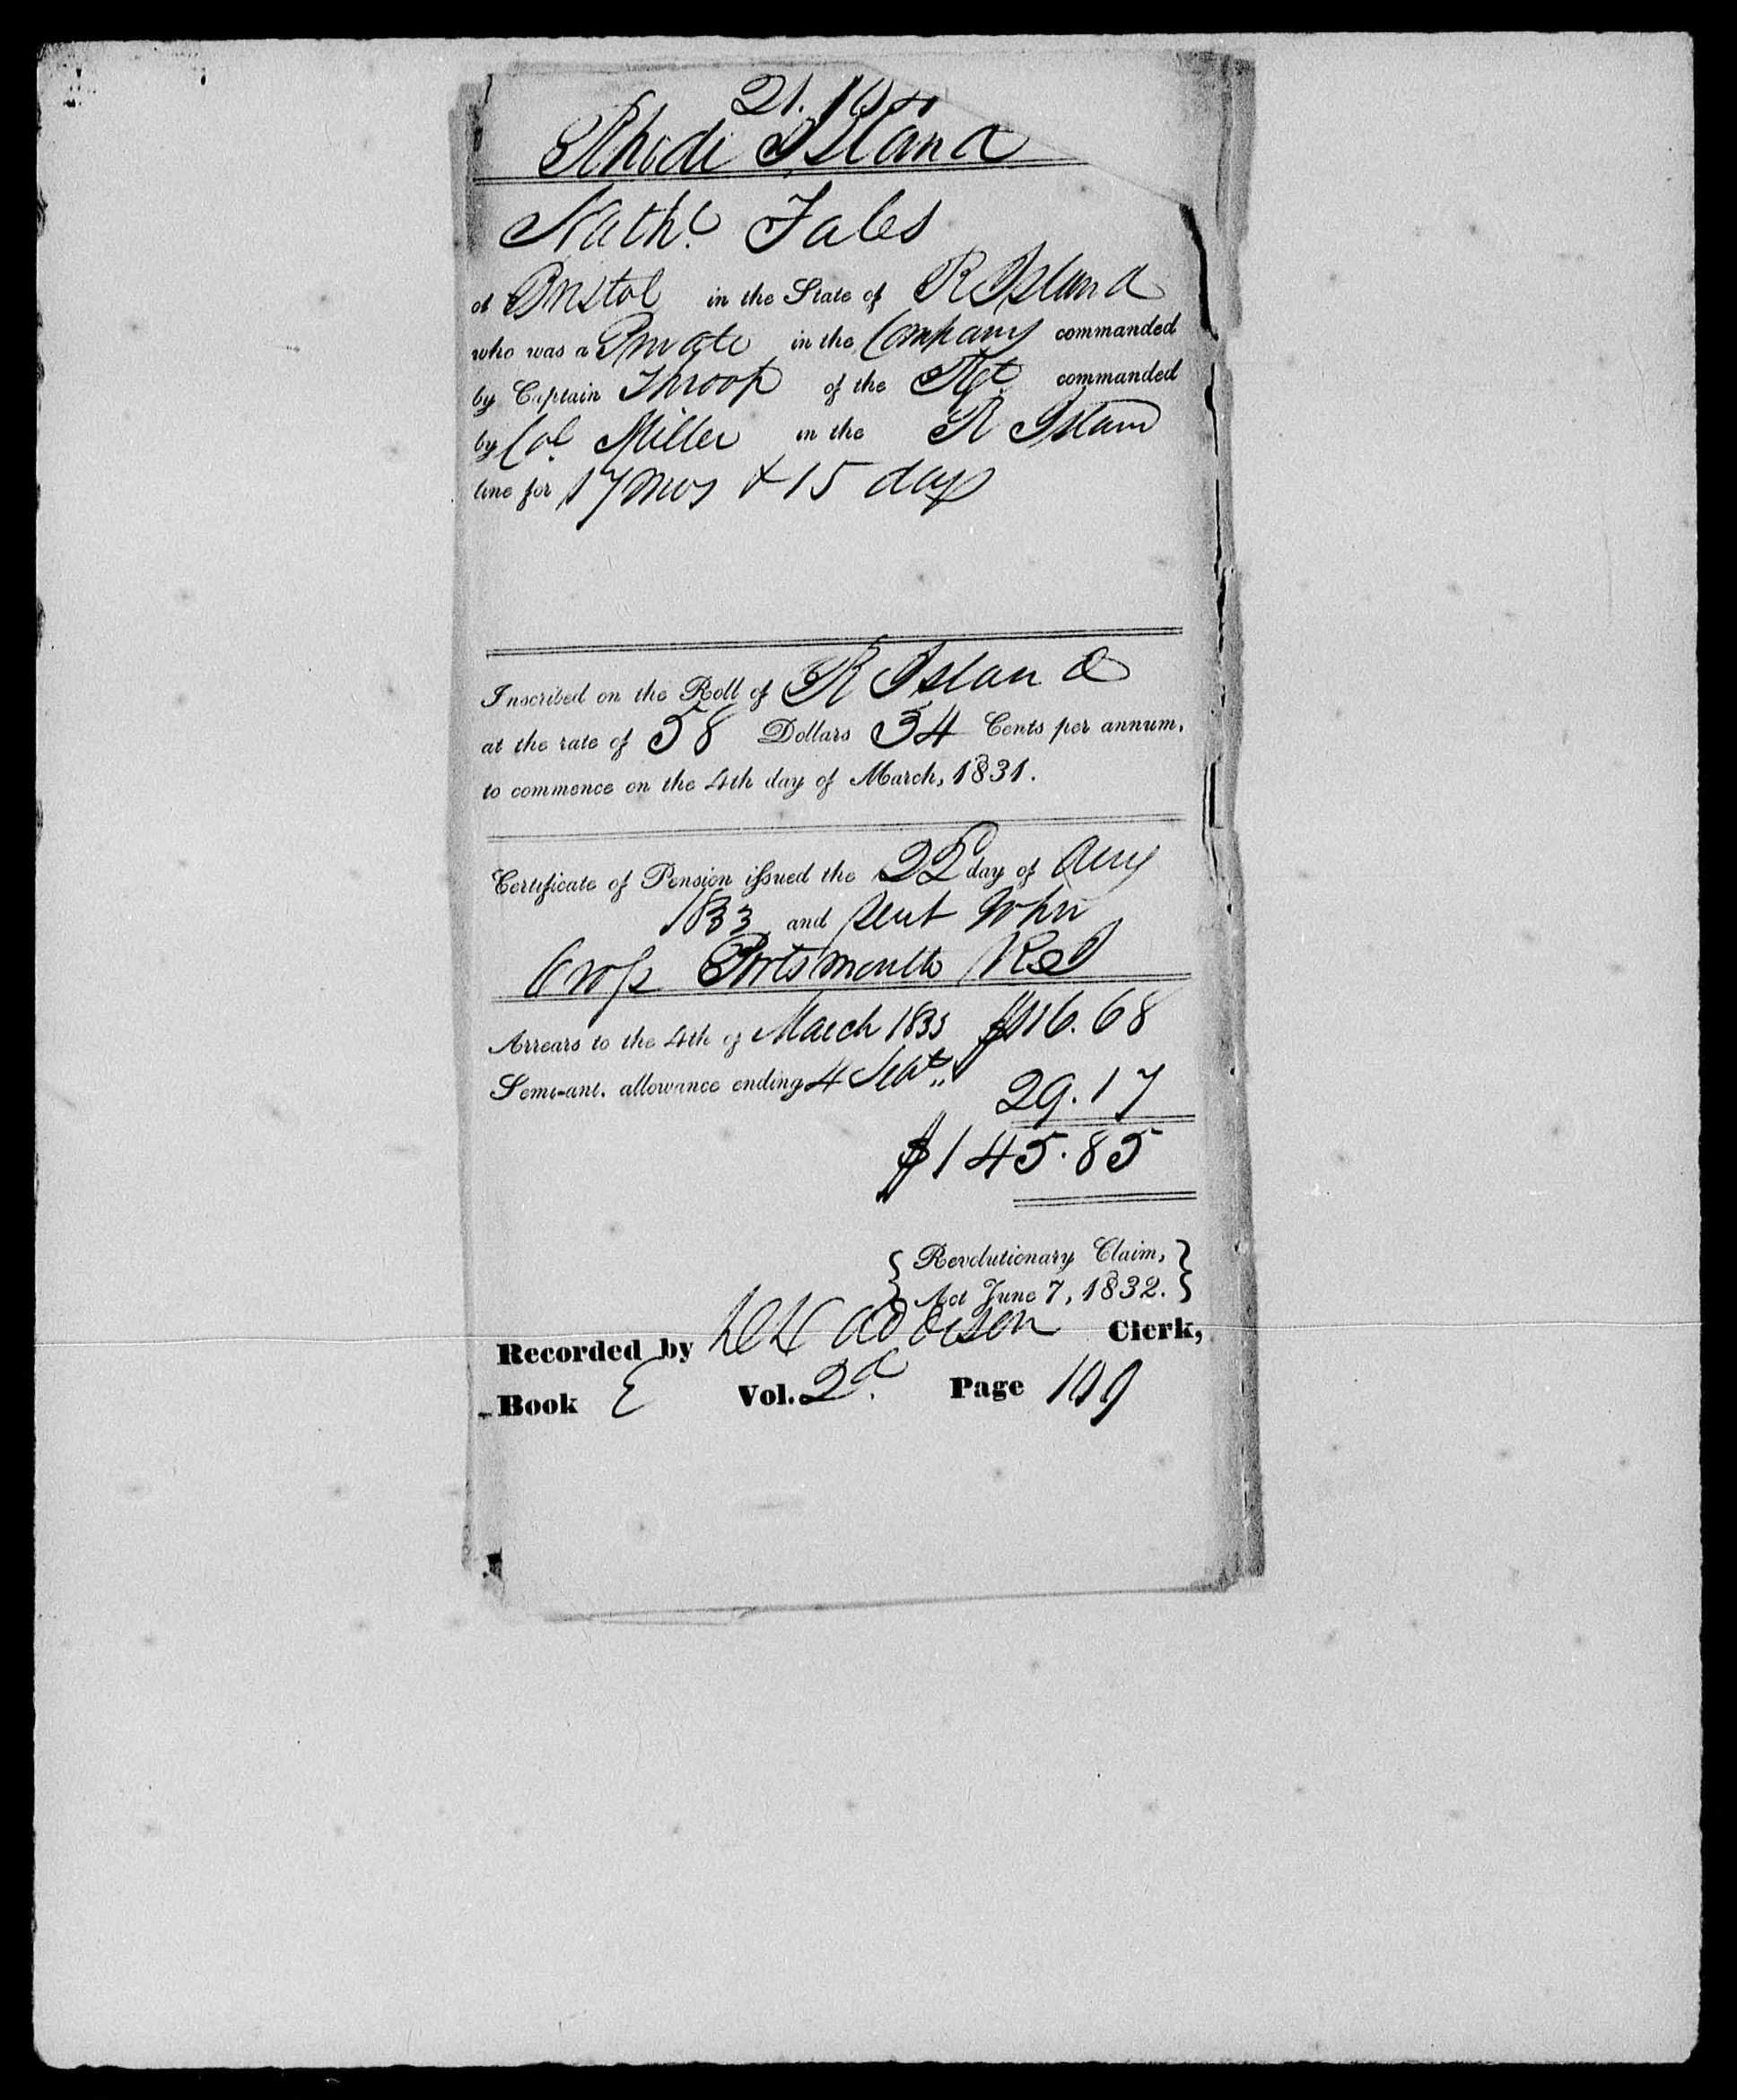21.104[?]
Rhode Island
[double line separation]
Nathl. Fales
of Bristol in the State of R Island who was a Private in the Company commanded by Captain Throop of the Ret commanded by Col. Miller on the R Island line for 17 mos & 15 days
[double line separation]
Inscribed on the roll of R Island at the rate of 58 Dollars 34 Cents per annum, to commence on the 4th day of March, 1834.
[double line separation]
Certificate of Pension issued the 22d day of Aug 1833 and sent John Cross Portsmouth, R I 
[double line separation]
Arrears to the 4th of March 1835 $116.68
Semianl. allowance ending 4 Sept.   29.17
                                                       _______
                                                     $145.85
[double line underscore]
{Revolutionary Claim,}
{Act June 7, 1832.}
Recorded by D D Addison Clerk,
Book E  Vol. 2d  Page 109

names: John Cross, Throop, D D Addison, Miller, Nathl Fales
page: 2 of 32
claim: widow's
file: W. 24,173, Nathaniel Fales, R.I.